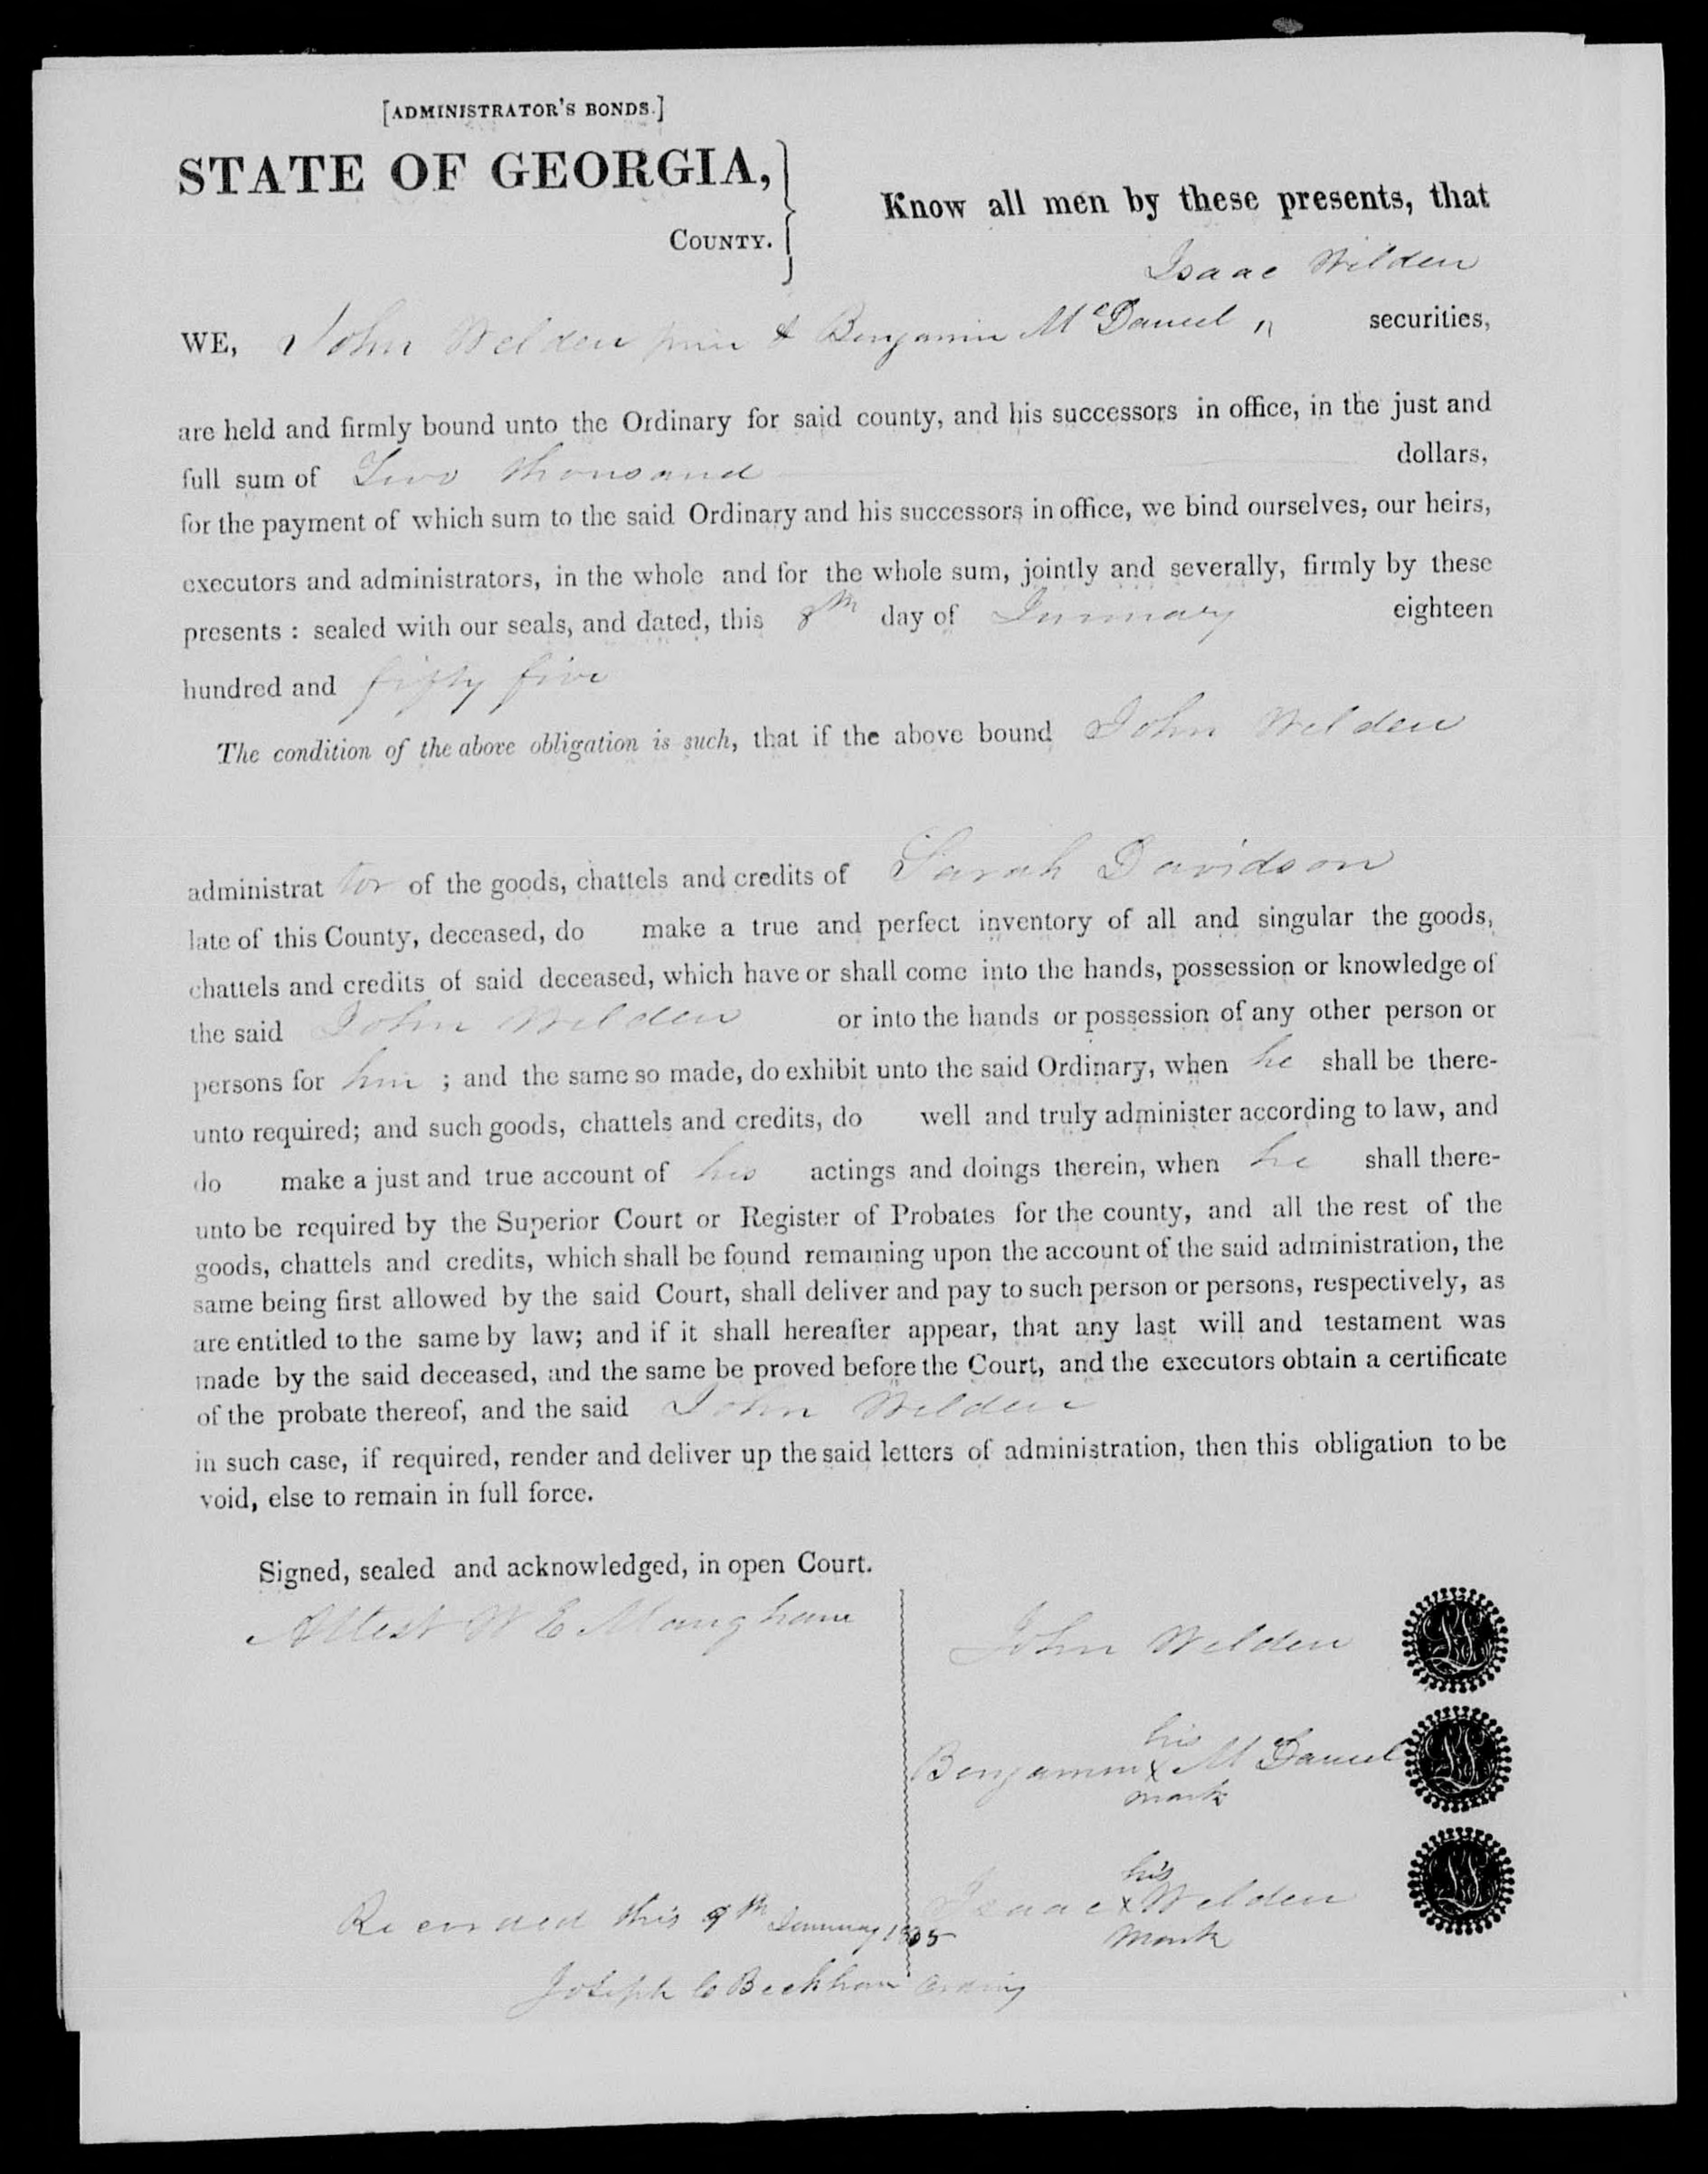LADMINISTRATOR'S BONDS.
STATE OF GEORGIA,
COUNTY.
Know all men by these presents, that
Isaac Wilden
We, John Welden prin & Benjamin McDaniel securities,
are held and firmly bound unto the Ordinary for said county, and his successors in office, in the just and full sum of Two thousand dollars, for the payment of which sum to the said Ordinary and his successors in office, we bind ourselves, our heirs, executors and administrators, in the whole and for the whole sum, jointly and severally, firmly by these presents, sealed with our seals, and dated, this 8th day of January eighteen hundred and fifty five 
The condition of the above obligation is such, that if the above bound John Wilden
administrator of the goods, chattels and credits of Sarah Davidson late of this County, deceased, do make a true and perfect inventory of all and singular the goods, chattels and credits of said deceased, which have or shall come into the hands, possession or knowledge of the said John Wilden or into the hands or possession of any other person or persons for him; and the same so made, do exhibit unto the said  Ordinary, when he shall be thereunto required; and such goods, chattels and credits, do well and truly administer according to law, and do make a just and true account of his actings and doings therein, when he shall thereunto
be required by the Superior Court of Register of Probates for the county, and all the rest of the goods, chattels and credits, which shall be found remaining upon the account of the said administration, the same being first allowed by the said Court, shall deliver and pay to such person or persons, respectively, as are entitled to the same by law; and if it shall hereafter appear, that any last will and testament was made by the said deceased, and the same be proved before the Court, and the executors obtain a certificate of the probate thereof, and the said John Wilder in such case, if required, render and deliver up the said letters of administration, then this obligation to be
void, else to remain in full force. 
Signed, sealed and acknowledged, in open Court.
Attest W E Mangham
John Wilden
Benjamin X his mark McDaniel
James X his mark Welden
Recorded this 9th January 1835
Joseph C Beckham [illegible]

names: John Weldon, W E Mongham, Sarah Davidson, Joseph C Beckham, John Weldon, Benjamin Mc Daniel, Benjamin Mc Daniel, Isaac Weldon, John Weldon, Isaac Weldon, John Weldon, John Weldon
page: 35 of 63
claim: widow's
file: W. 4175, Joseph Davidson, N.C.